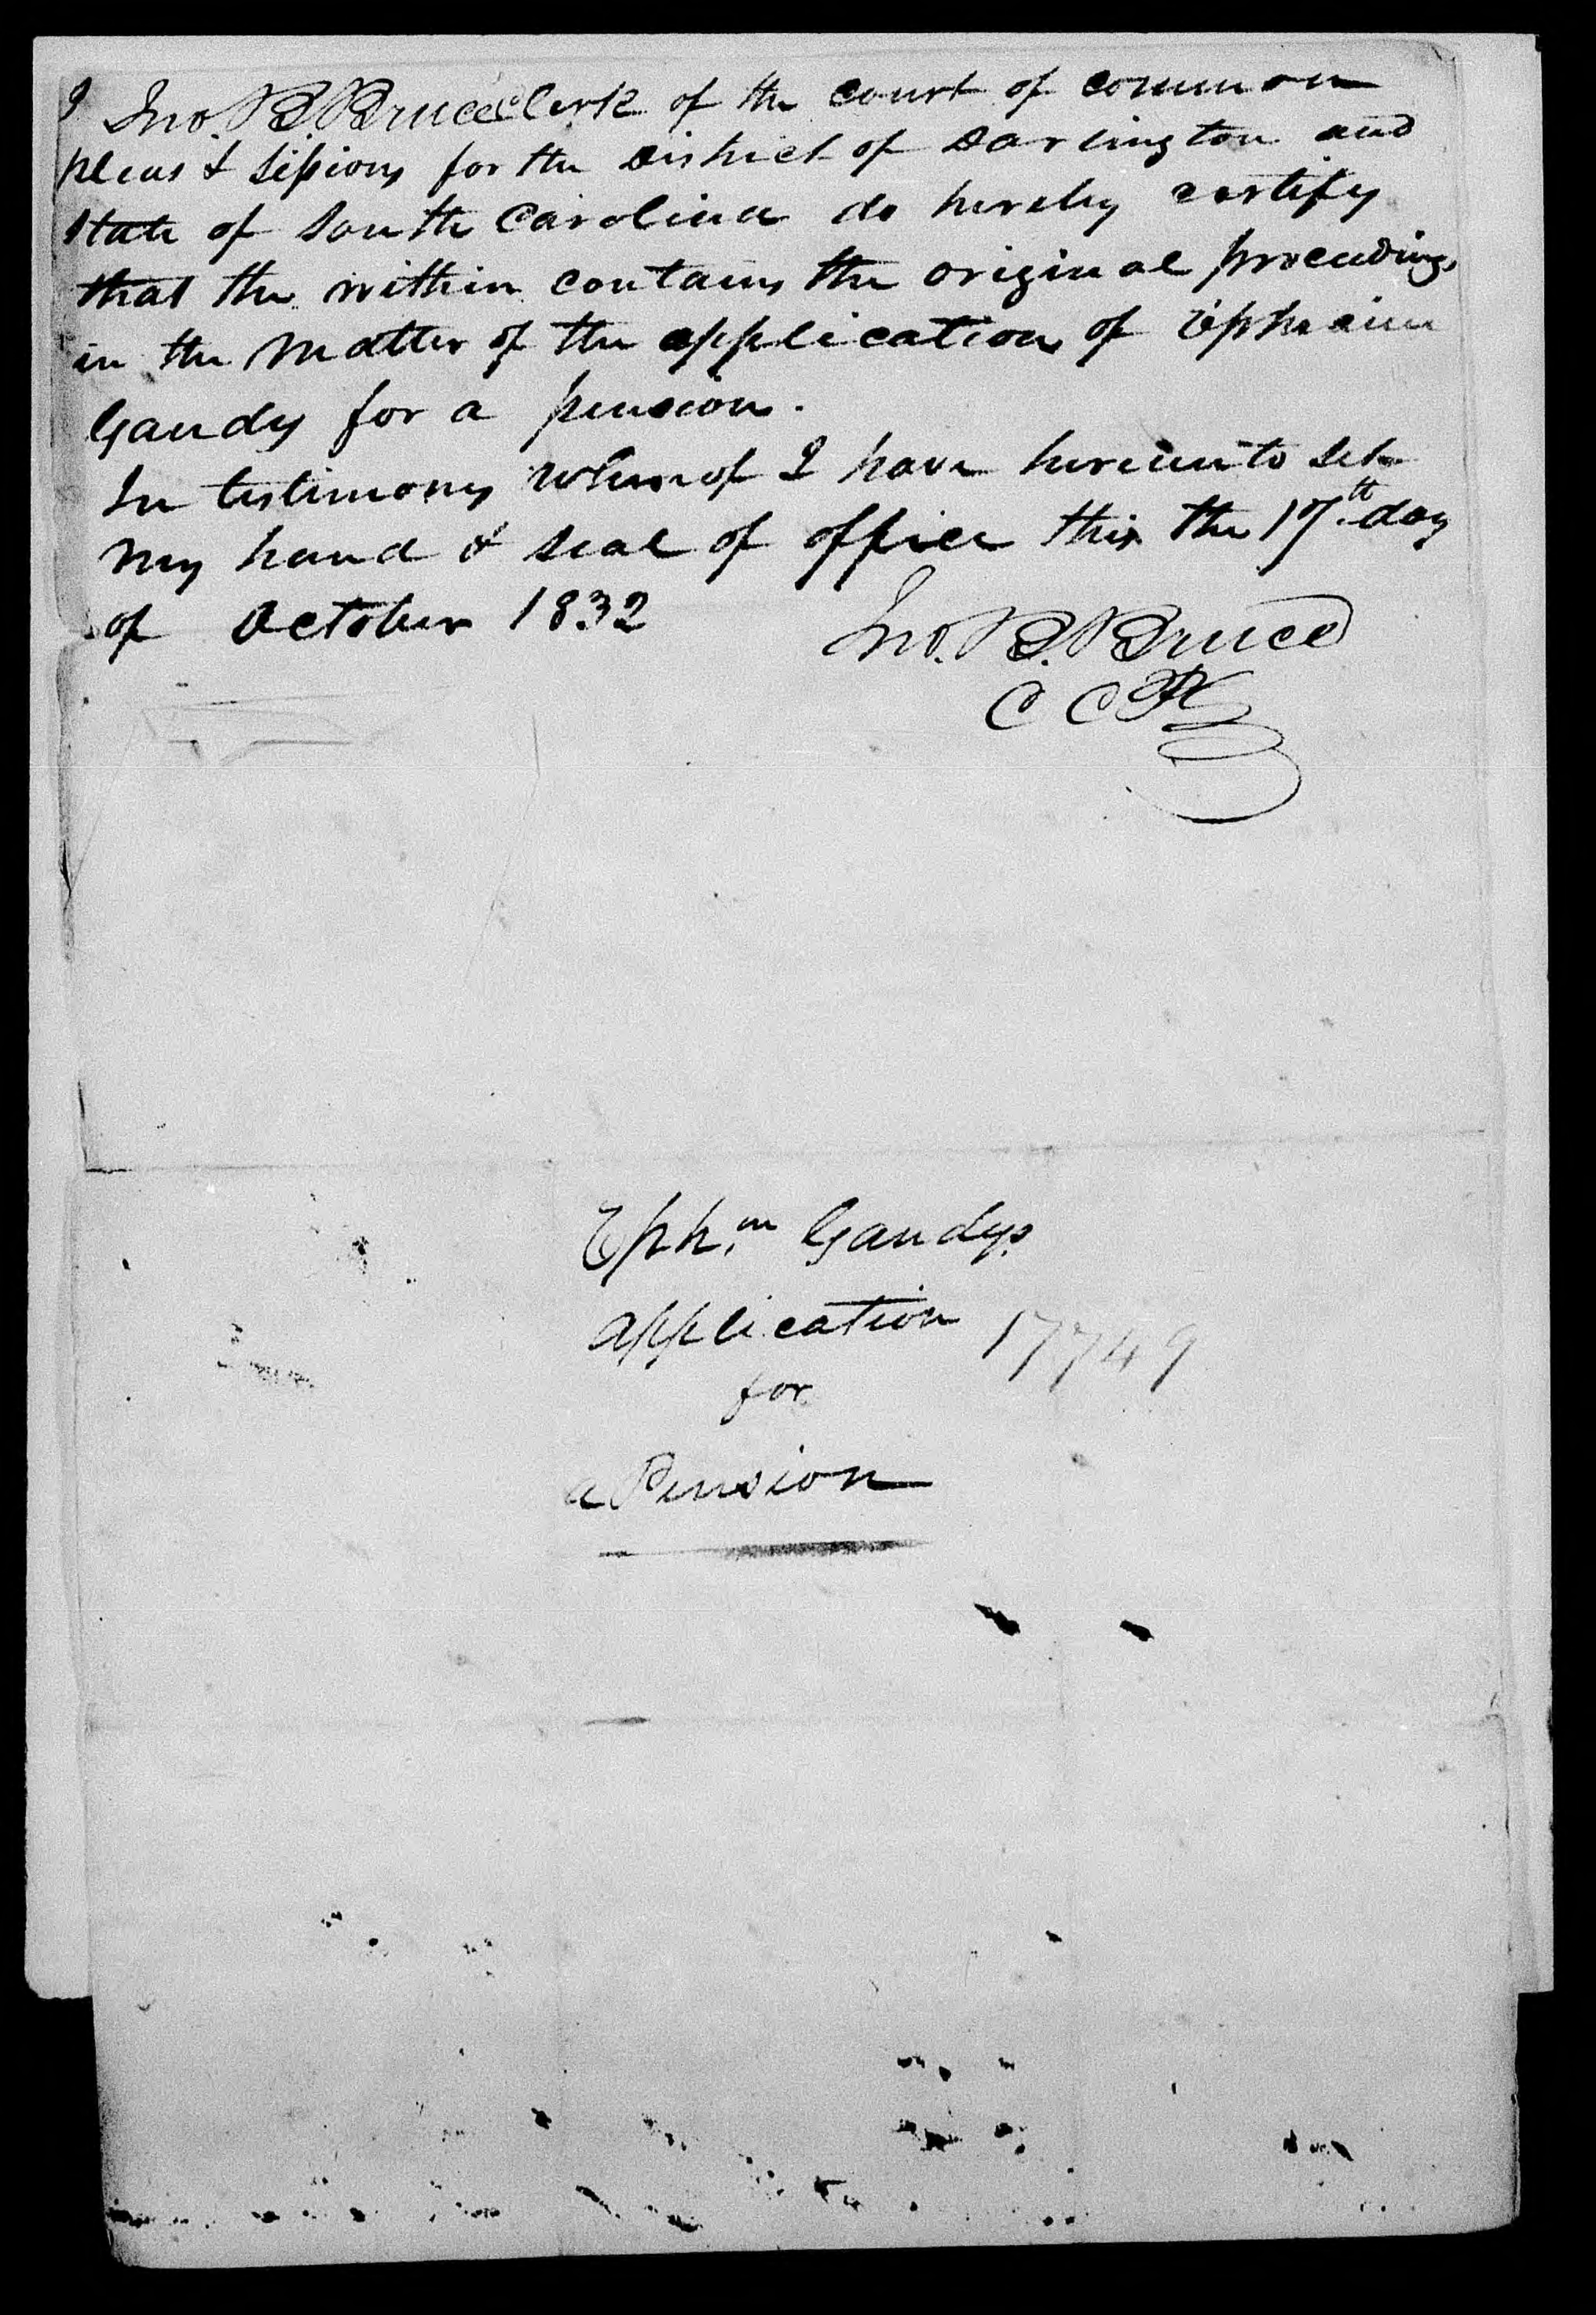I Juno B Prince Clerk of the court of common pleas & sessions for the district of Darlington and
state of South Carolina do hereby certify that the within contains the original proceedings in the matter of the application of Ephraim Gaudy for a pension

In testimony whereof I have hereunto set my hand & seal of officer this the 17th-day of October 1832
Jno B Prince CCP


Eph. Gaudy
application for Pension
17749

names: Ephm Gaudys, Jno B Bruce, Jno B Bruce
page: 6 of 12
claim: survivor's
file: S. 17971, Ephraim Gaudy, N.C. S.C.